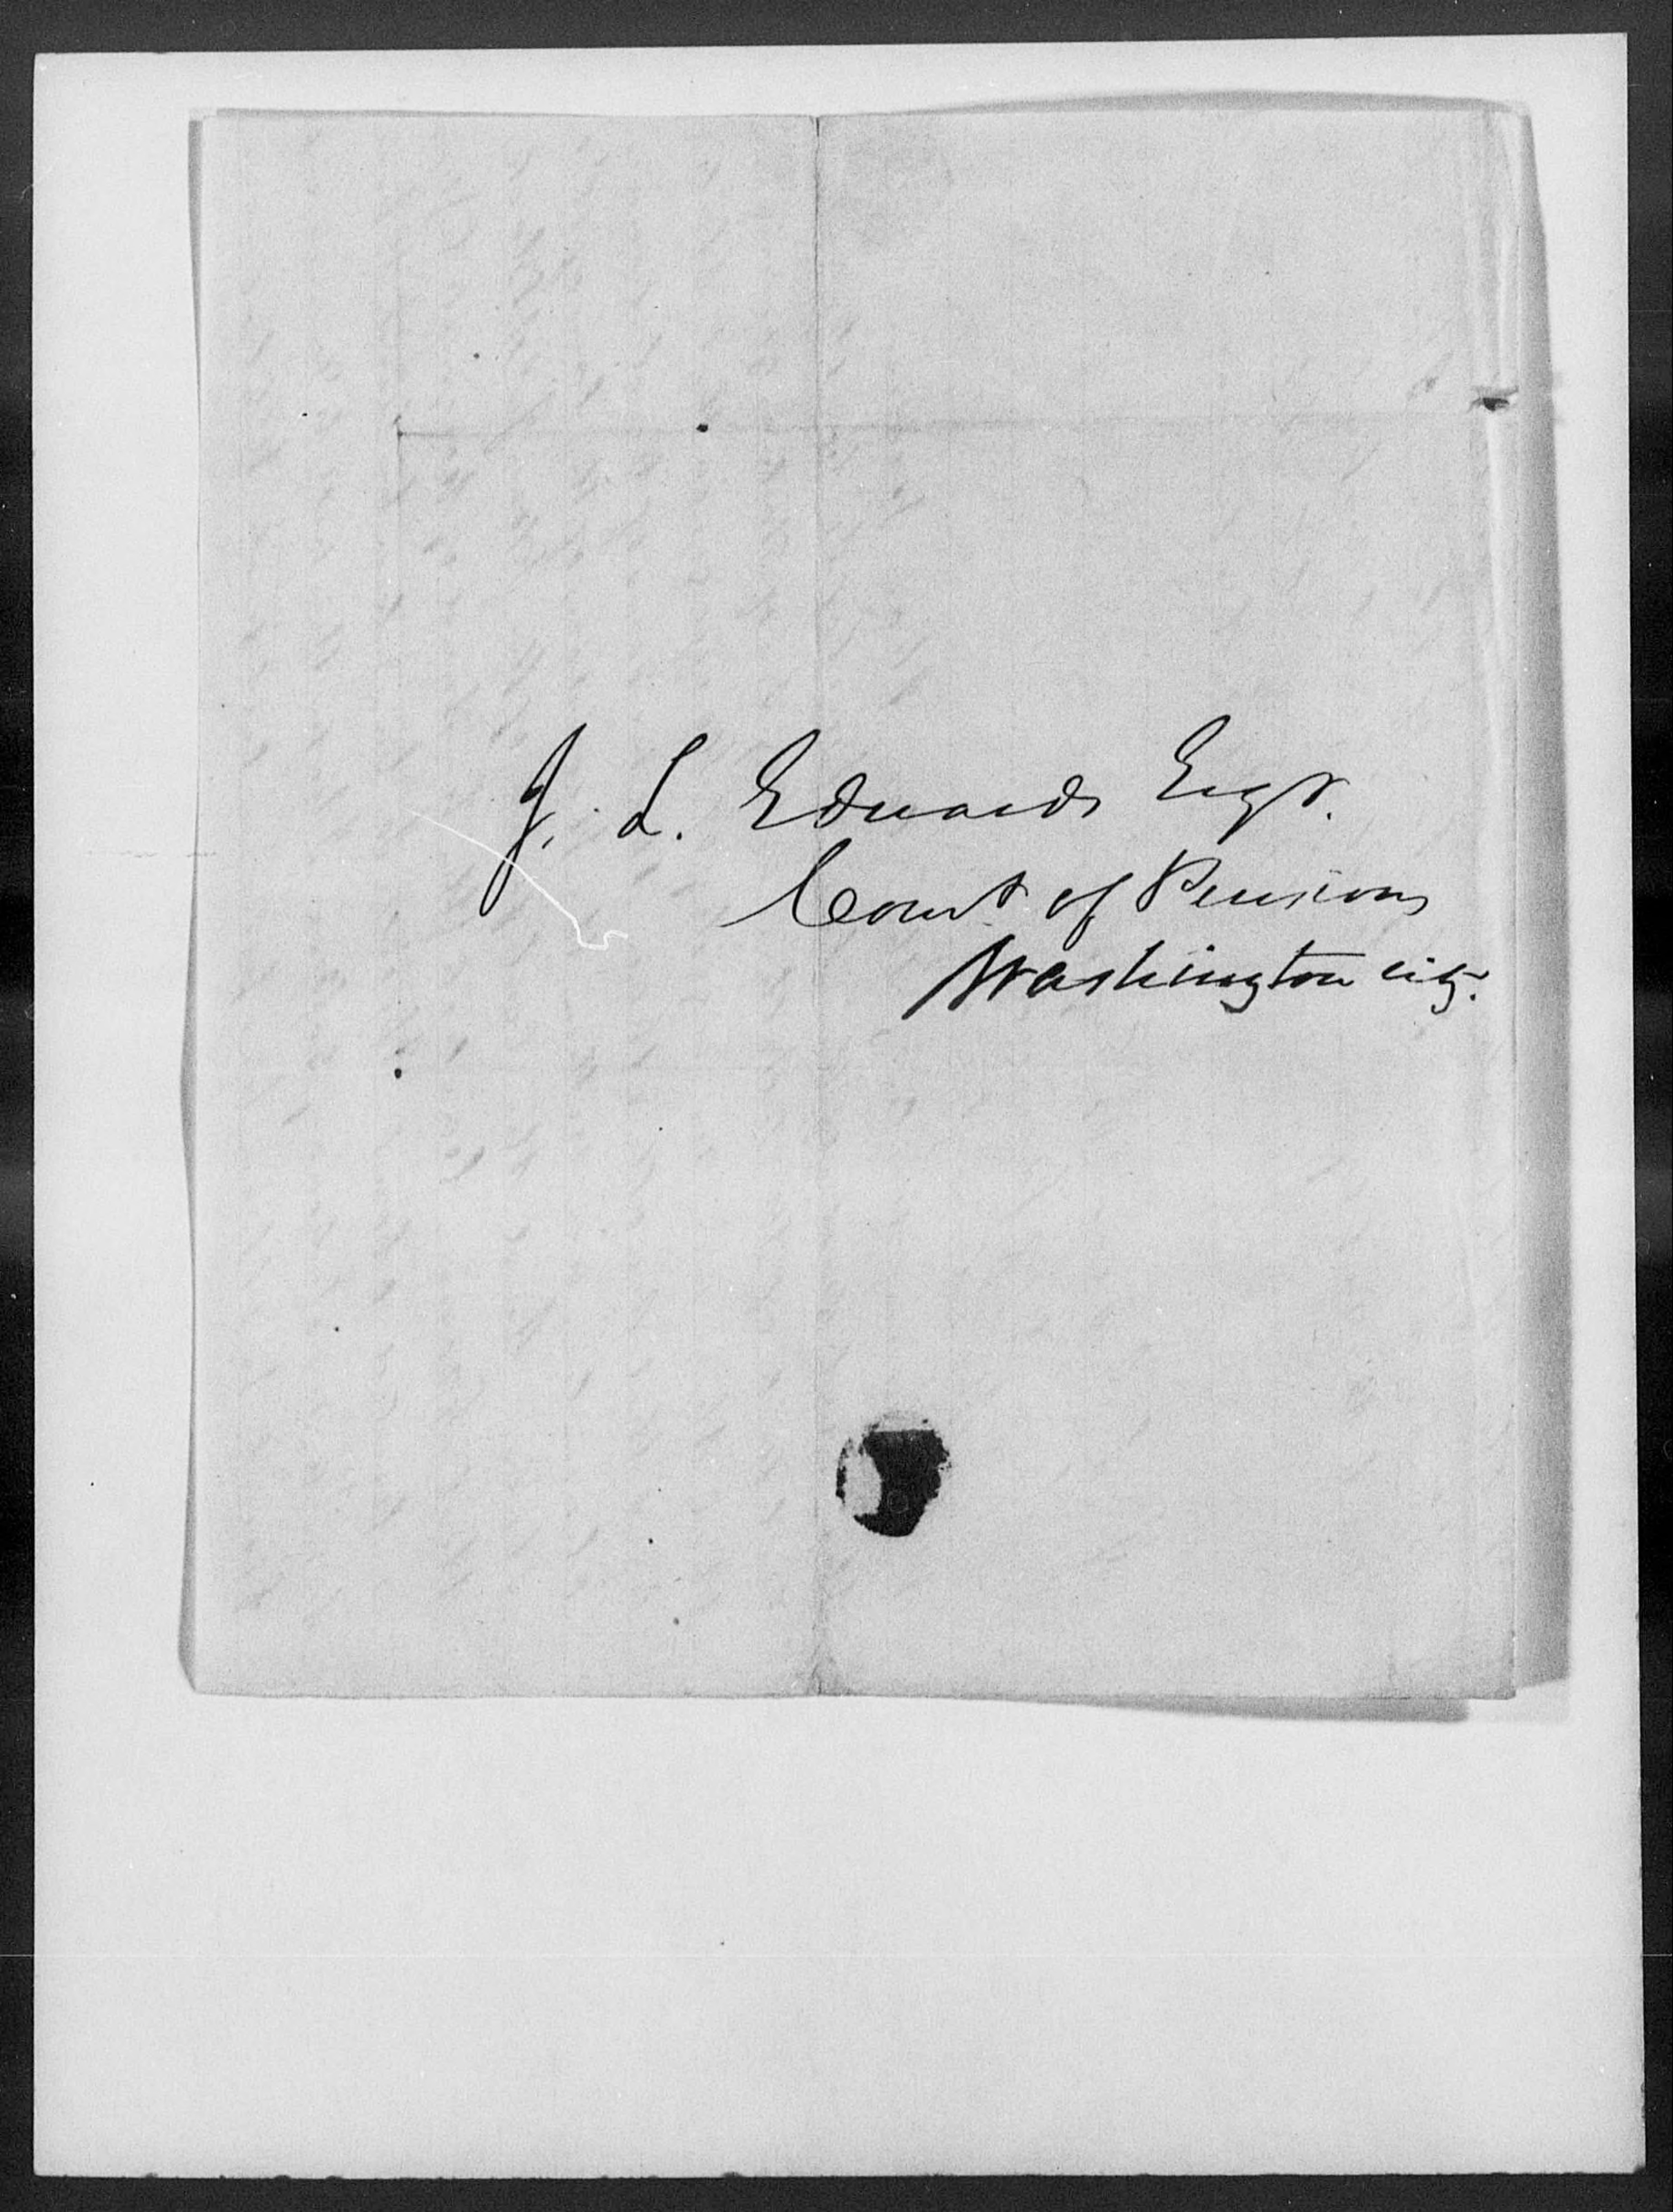J. L. Edwards Esqr.
Coms of Pensions
Washington City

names: J L Edwards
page: 75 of 91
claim: widow's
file: W. 10576, Francis Carlisle, S.C.